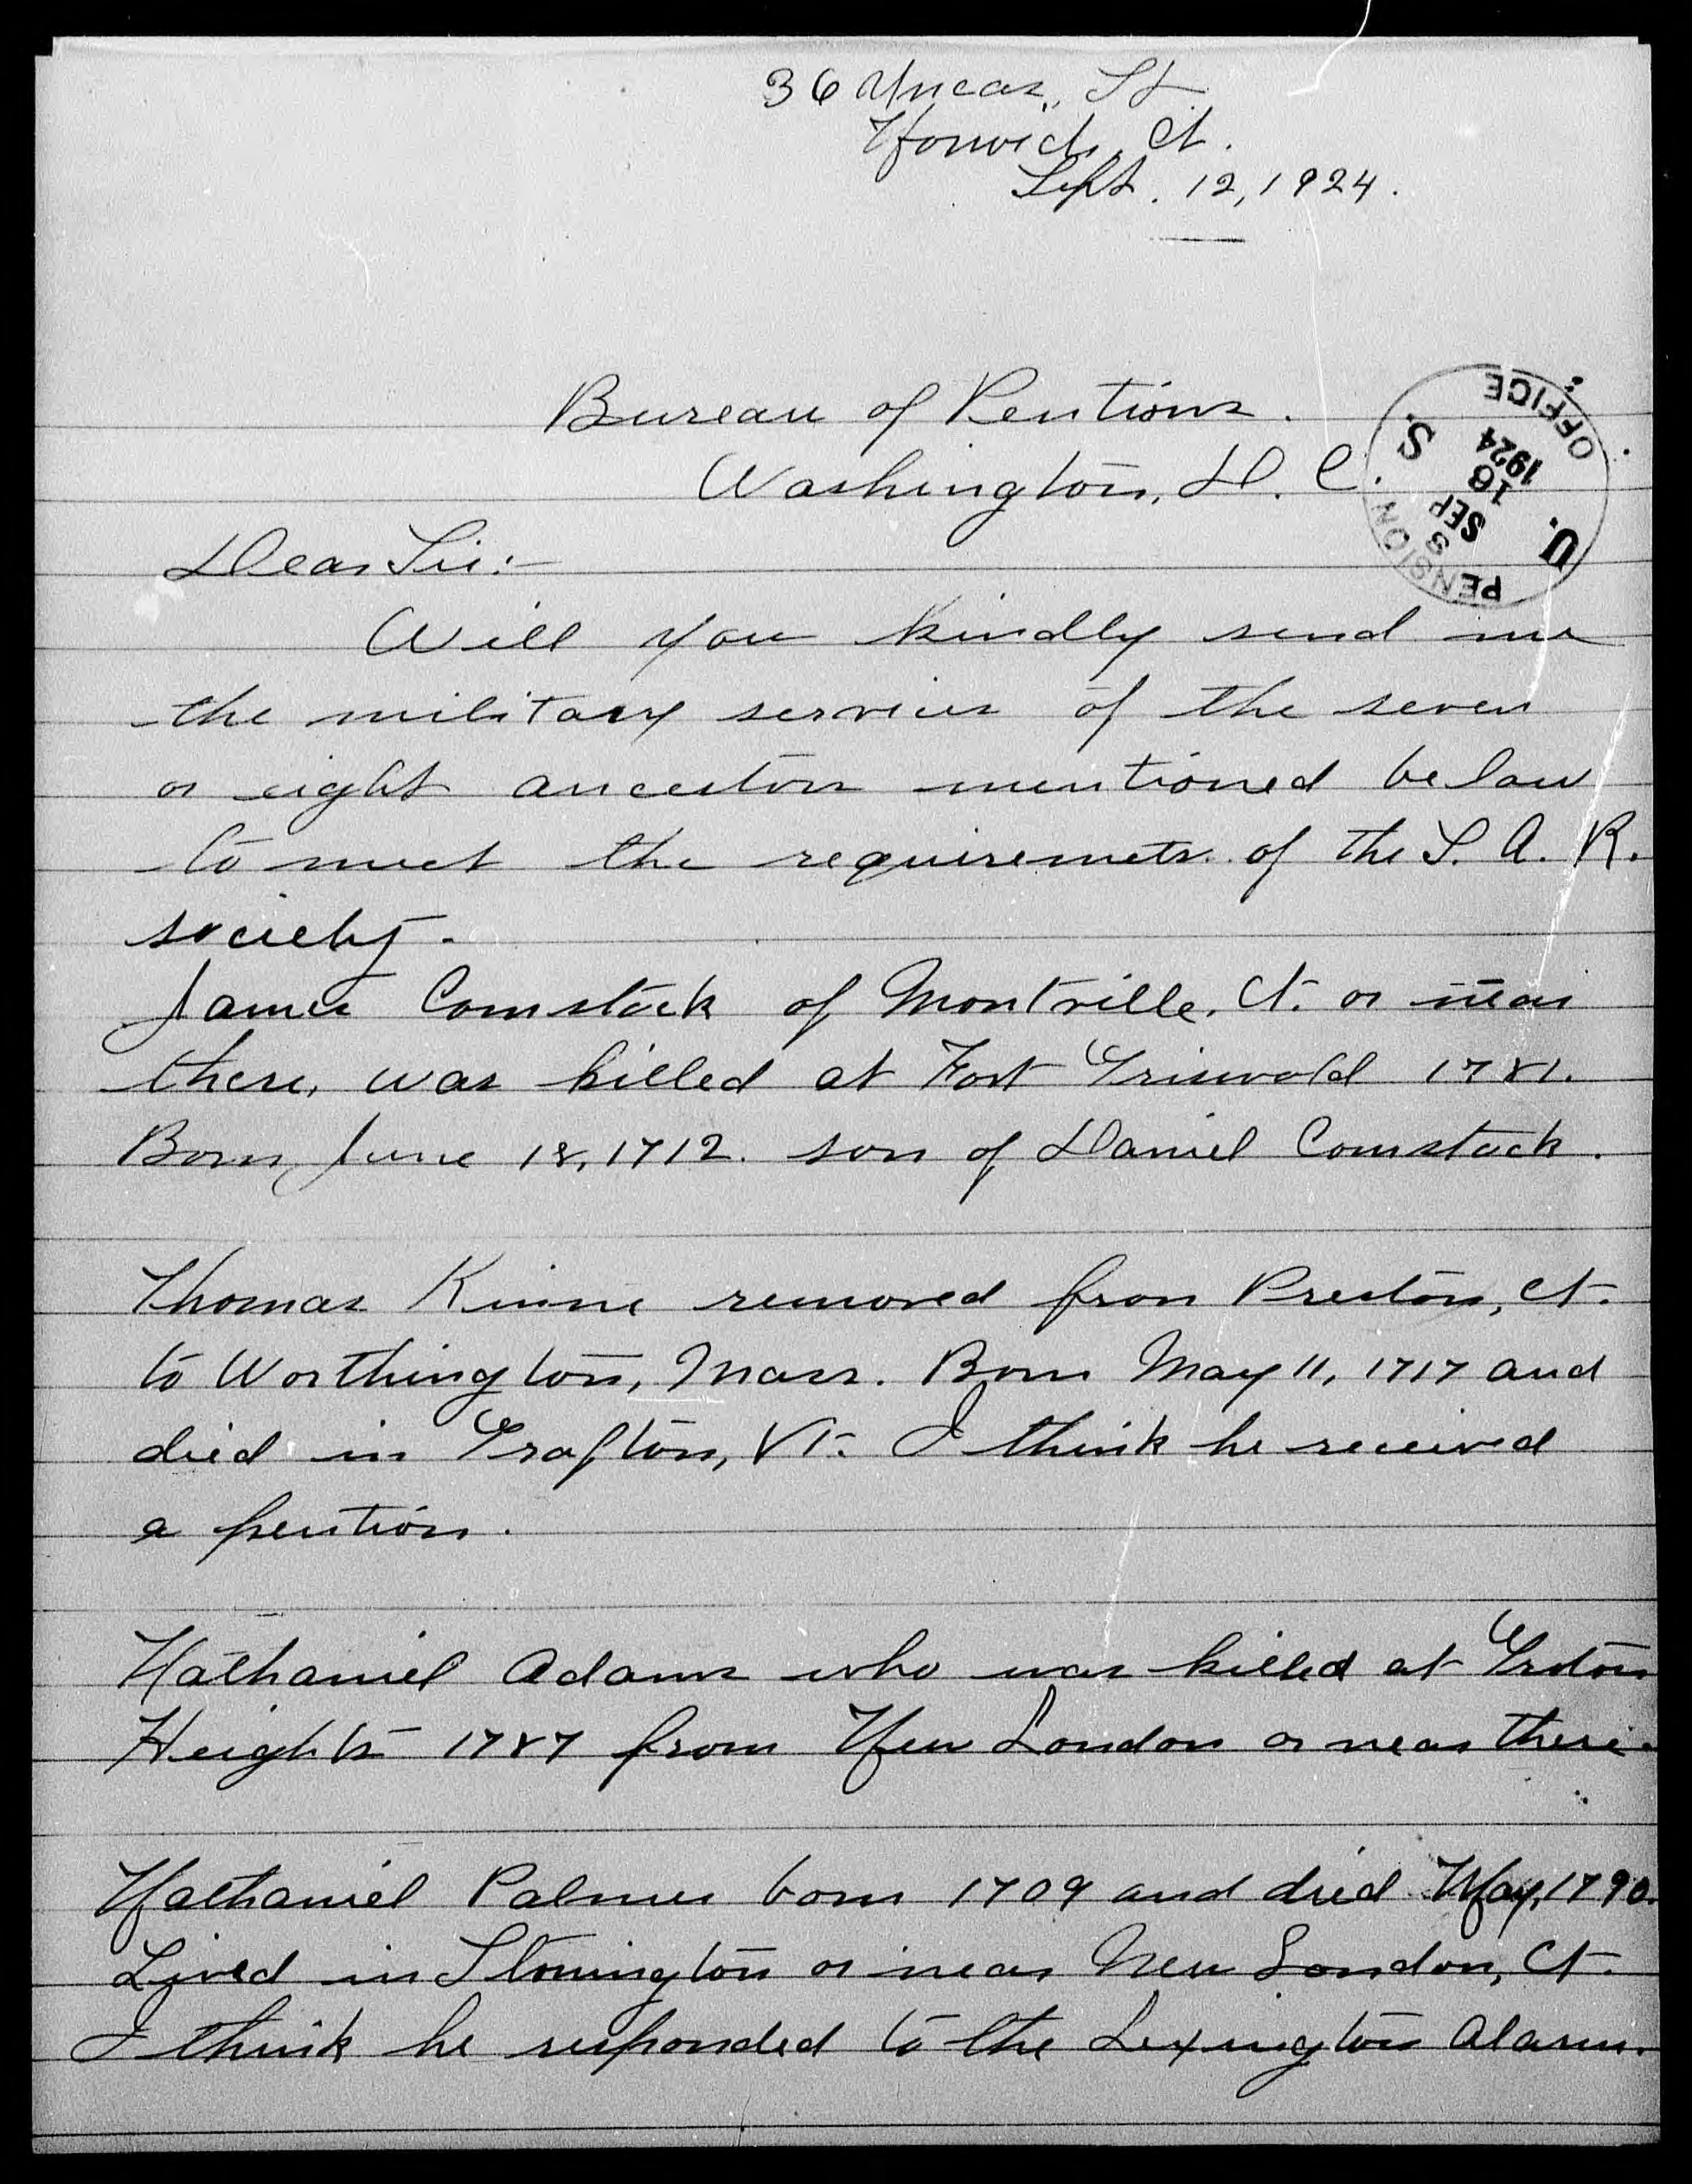Bureau of Pensions
             Washington D.C.

Sir, will you kindly send me the military records of the seven or eight ancestors mentioned below to meet the requirements of the S.A.R. society.

James Comstock of Montville, CT or [illegible] there, was killed at Fort Griswold 1781.  Born June 12m 1712, son of Daniel Comstock.

Thomas Kinne removed from Preston, Ct. to Worthington, Mass.  Born May 11 , 1717 and died In Trafton, VT  I think he received a pension.

Nathaniel Adams who was killed at Groton Heights 1727 from New London or near there.

Nathaniel Palmer born 1709 and died May 1790, Lived in Stonington or near New London, Ct. I think he responded to the Lexington Alarm.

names: James Comstock, Nathaniel Palmer, Thomas Kinne, Nathaniel Adams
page: 30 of 37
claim: survivor's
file: S. 12,281, William Briggs, Conn.